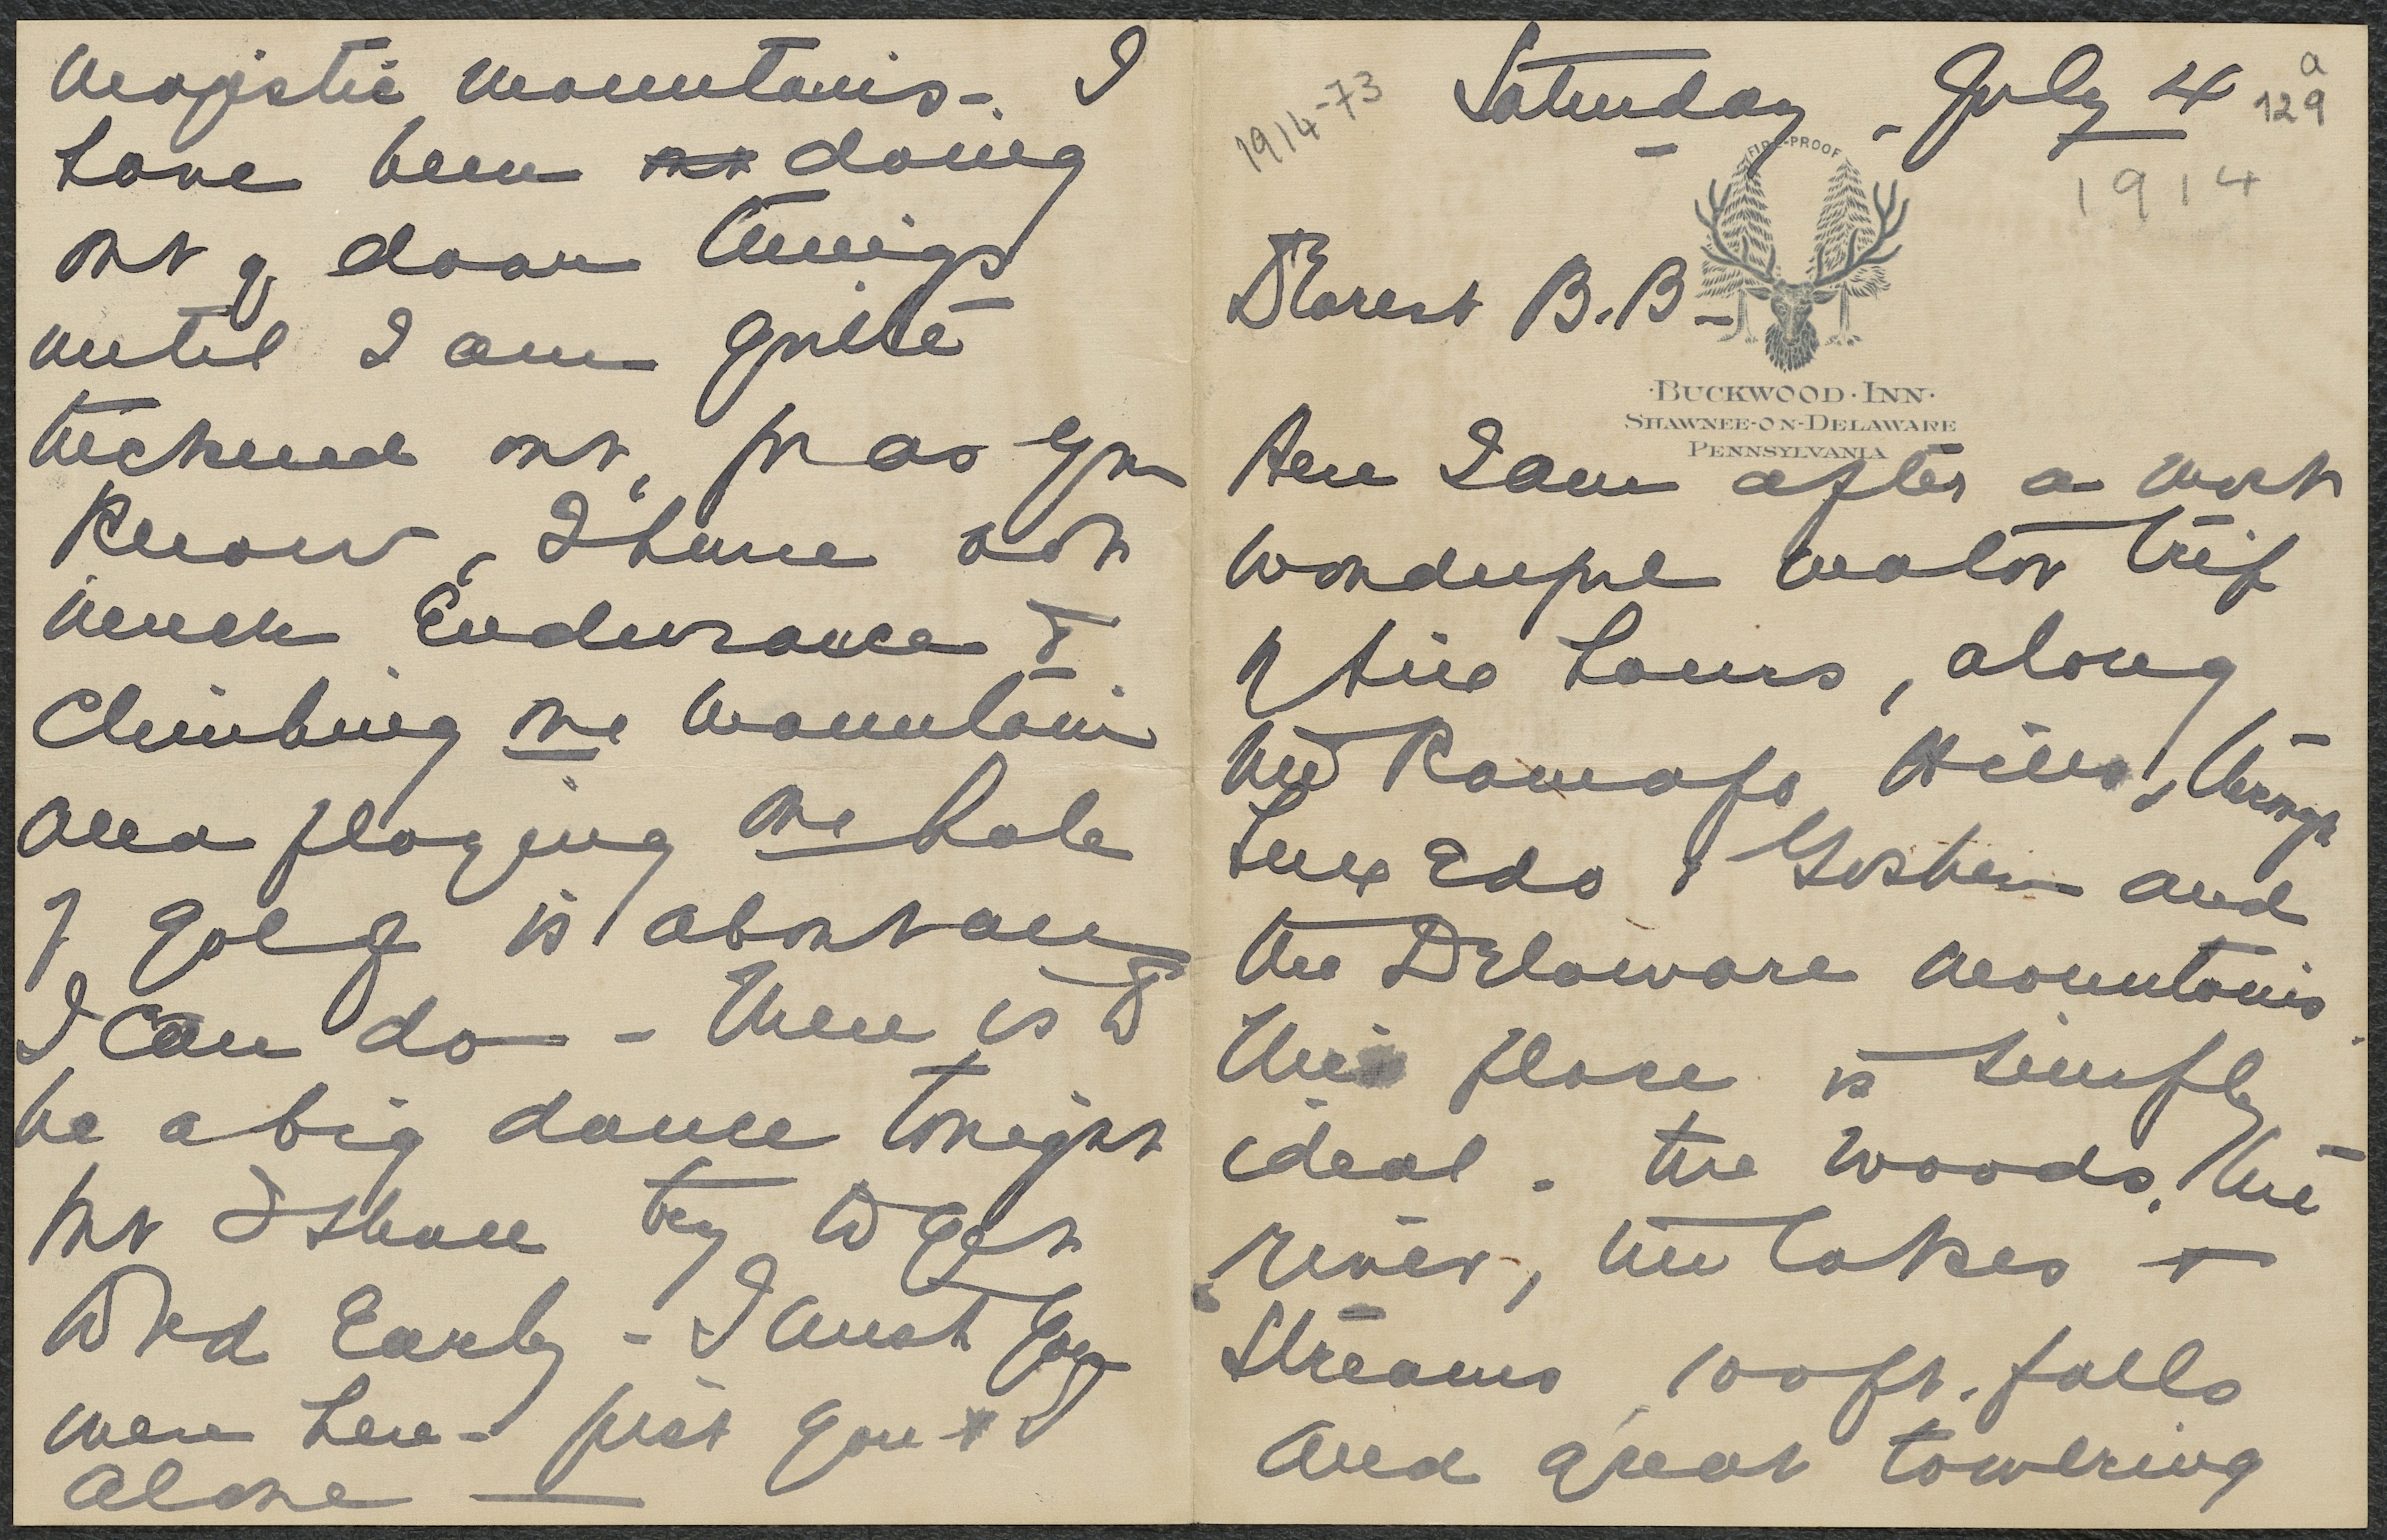Saturday, July 4
Dearest B. B –
Here I am after a most wonderful water trip of six hours, along the Ramapo Hills, through Tuxedo Goshen and the Delaware mountains this place is simply ideal – the woods, the river, the lakes & streams, 100 ft. falls and great towering
majestic mountains – I have been out doing out of door things until I am quite tuckered out, for as you know, I have not much endurance & climbing one mountain and playing one hole of golf is about all I can do – there is to be a big dance tonight but I shall try to get to bed early – I wish you were here – just you alone –